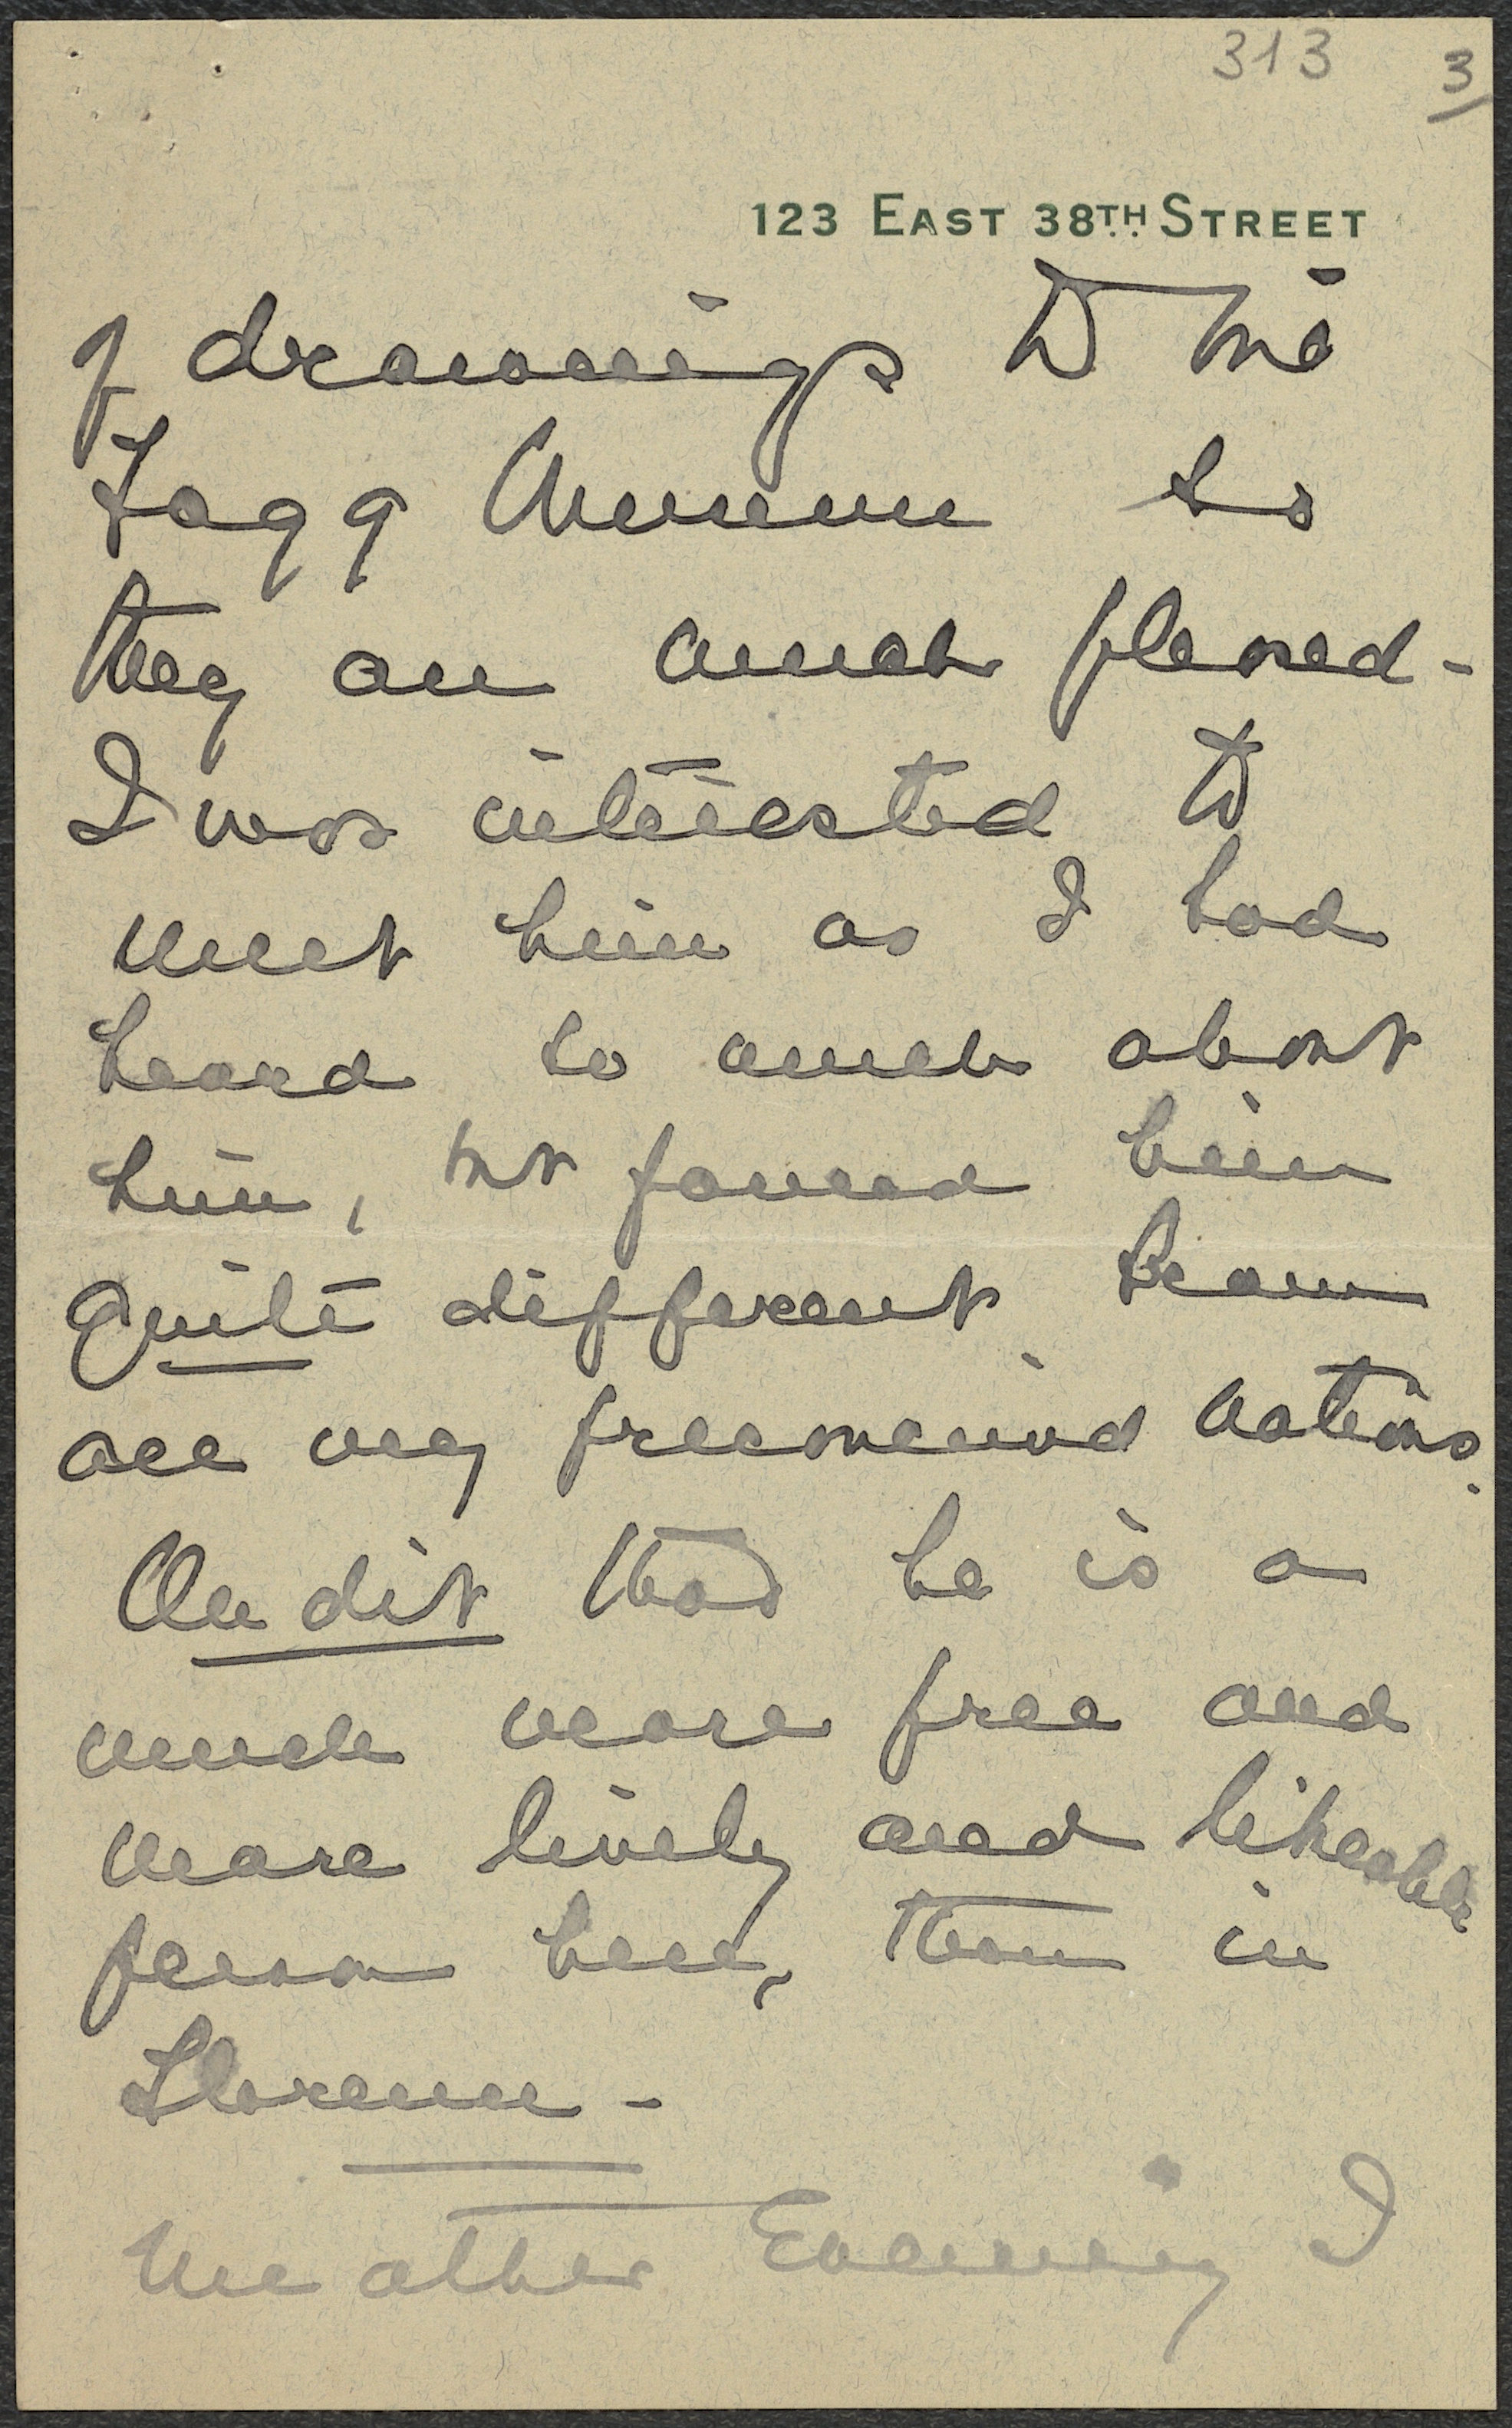of drawings to the Fogg Museum so they are much pleased – I was interested to meet him as I had heard so much about him, but found him quite different from all my preconceived notions. On dit that he is a much more free and more lively and likeable person here, than in Florence –
The other Evening I